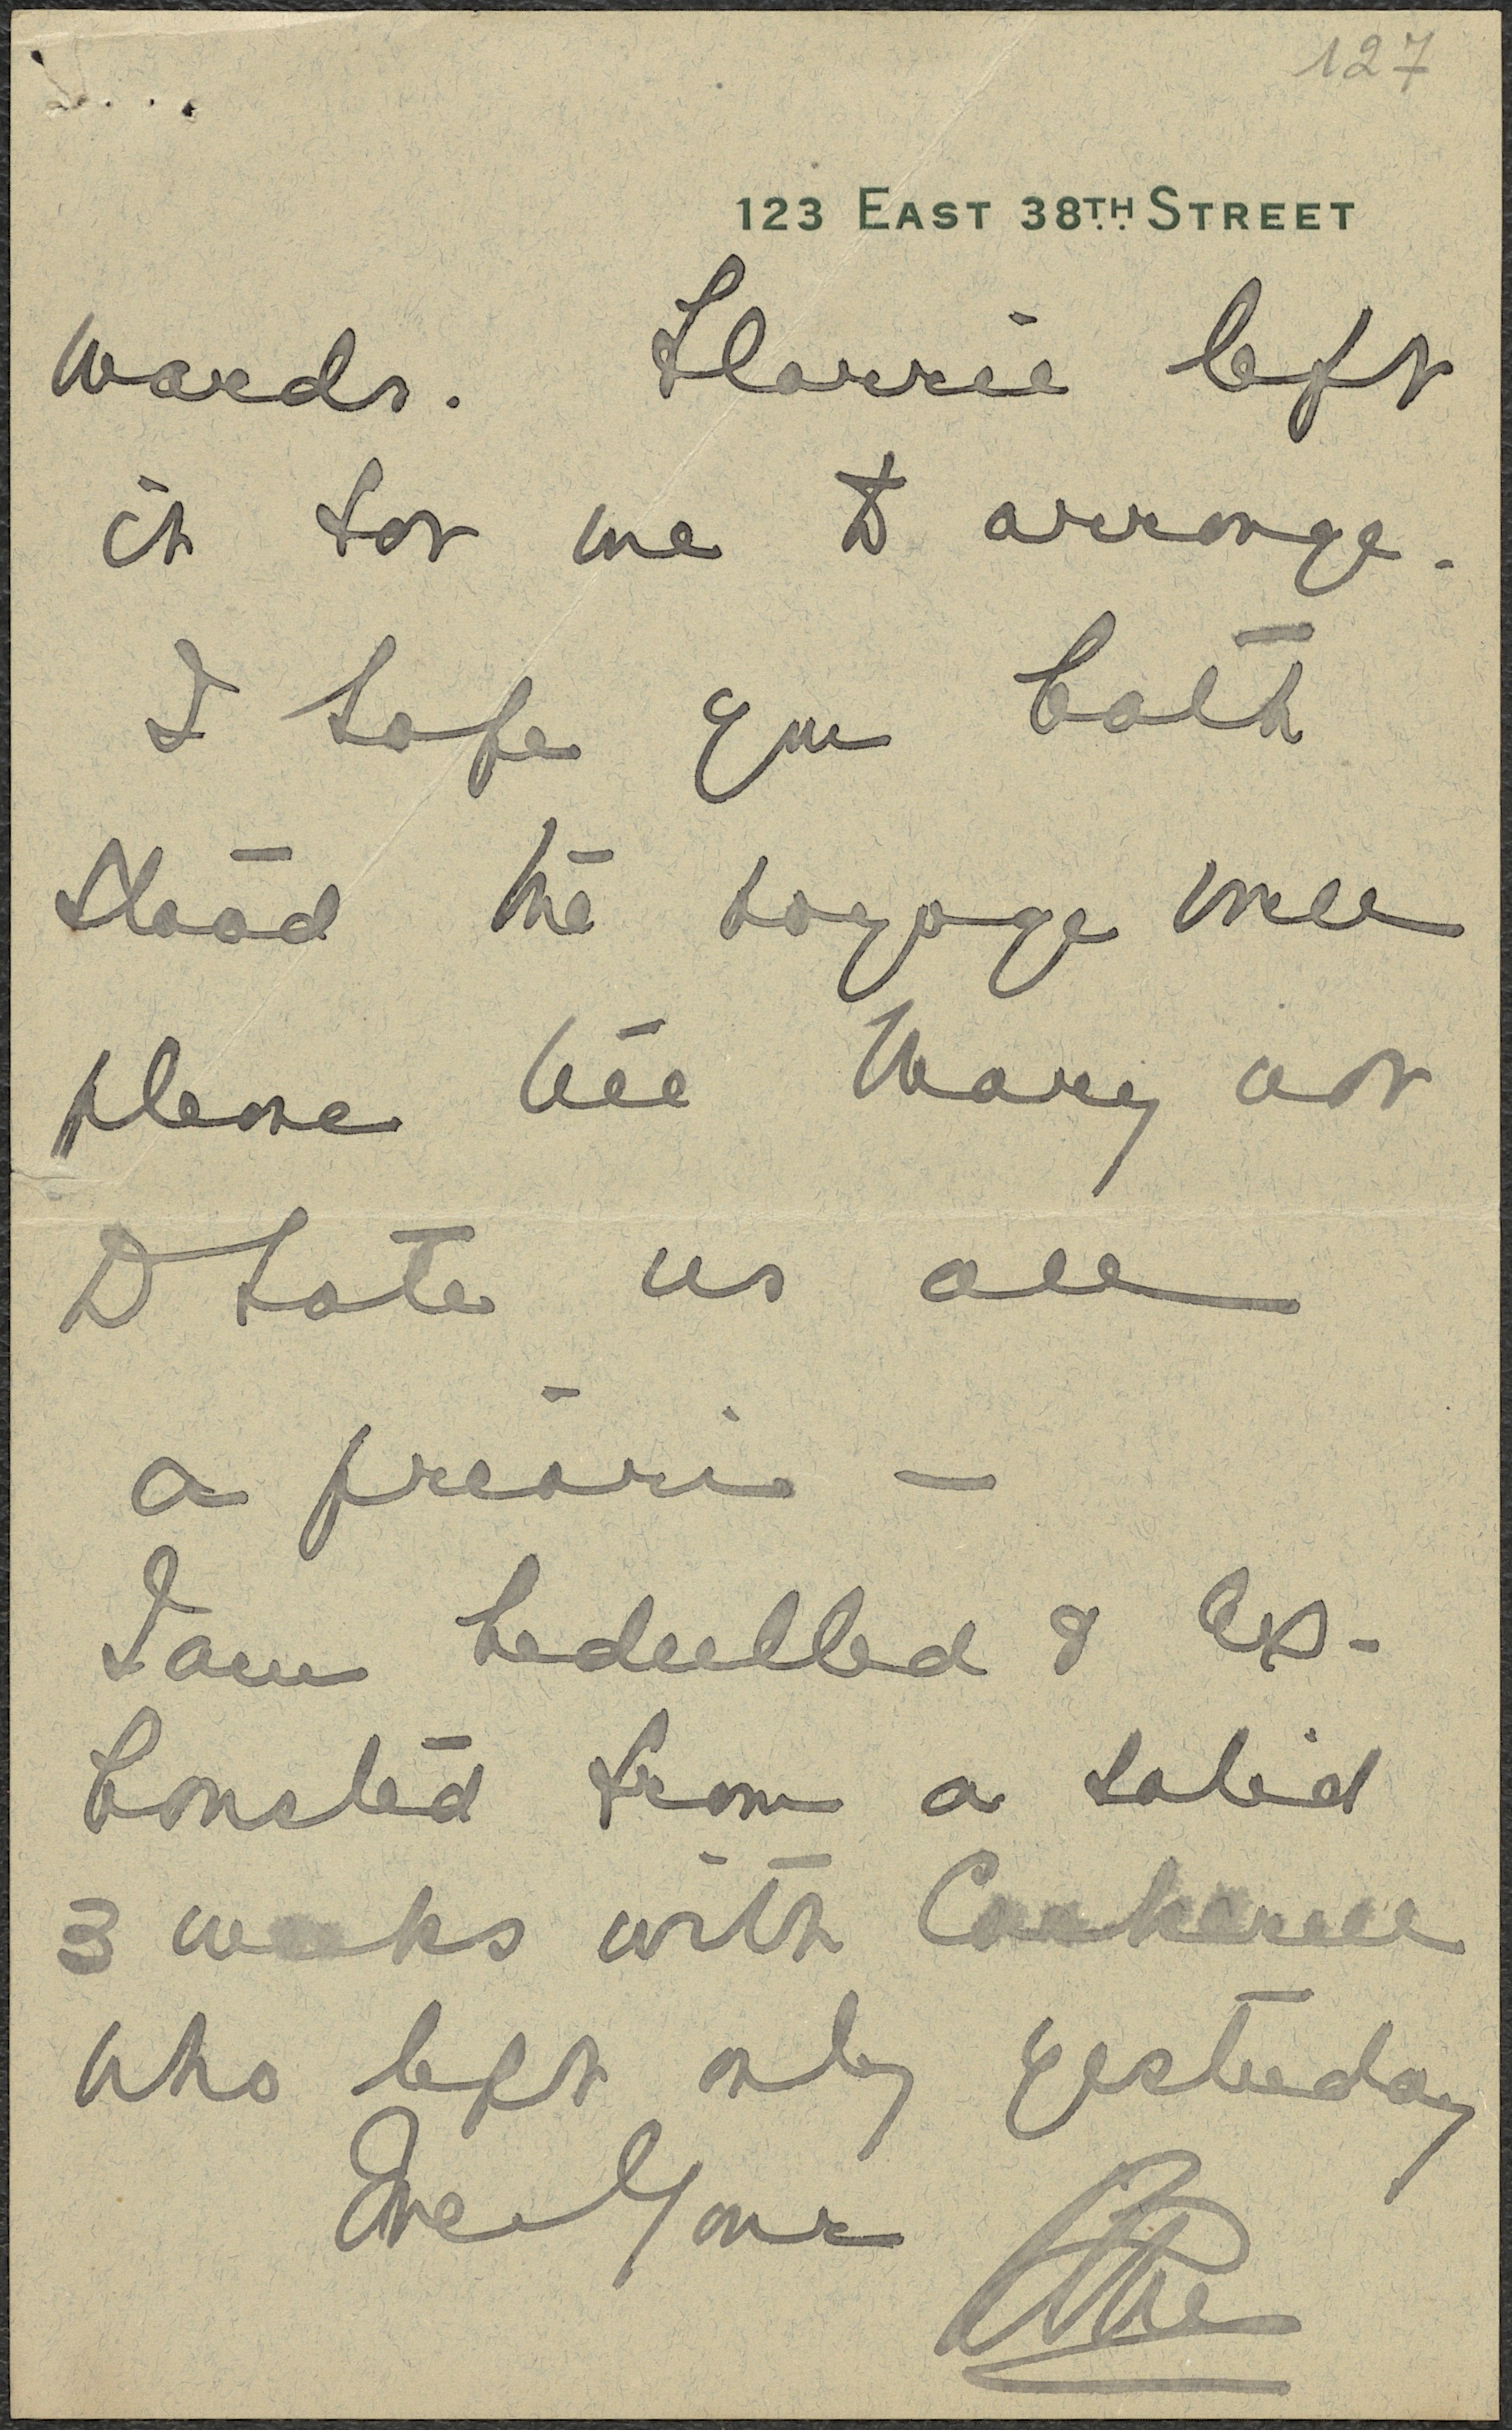Florrie left it for me to arrange.
I hope you both stood the voyage well please tell Mary not to hate us all a priori –
I am bedulled & exhausted from a solid 3 weeks with Cockerell who left only yesterday
Ever Your
Belle